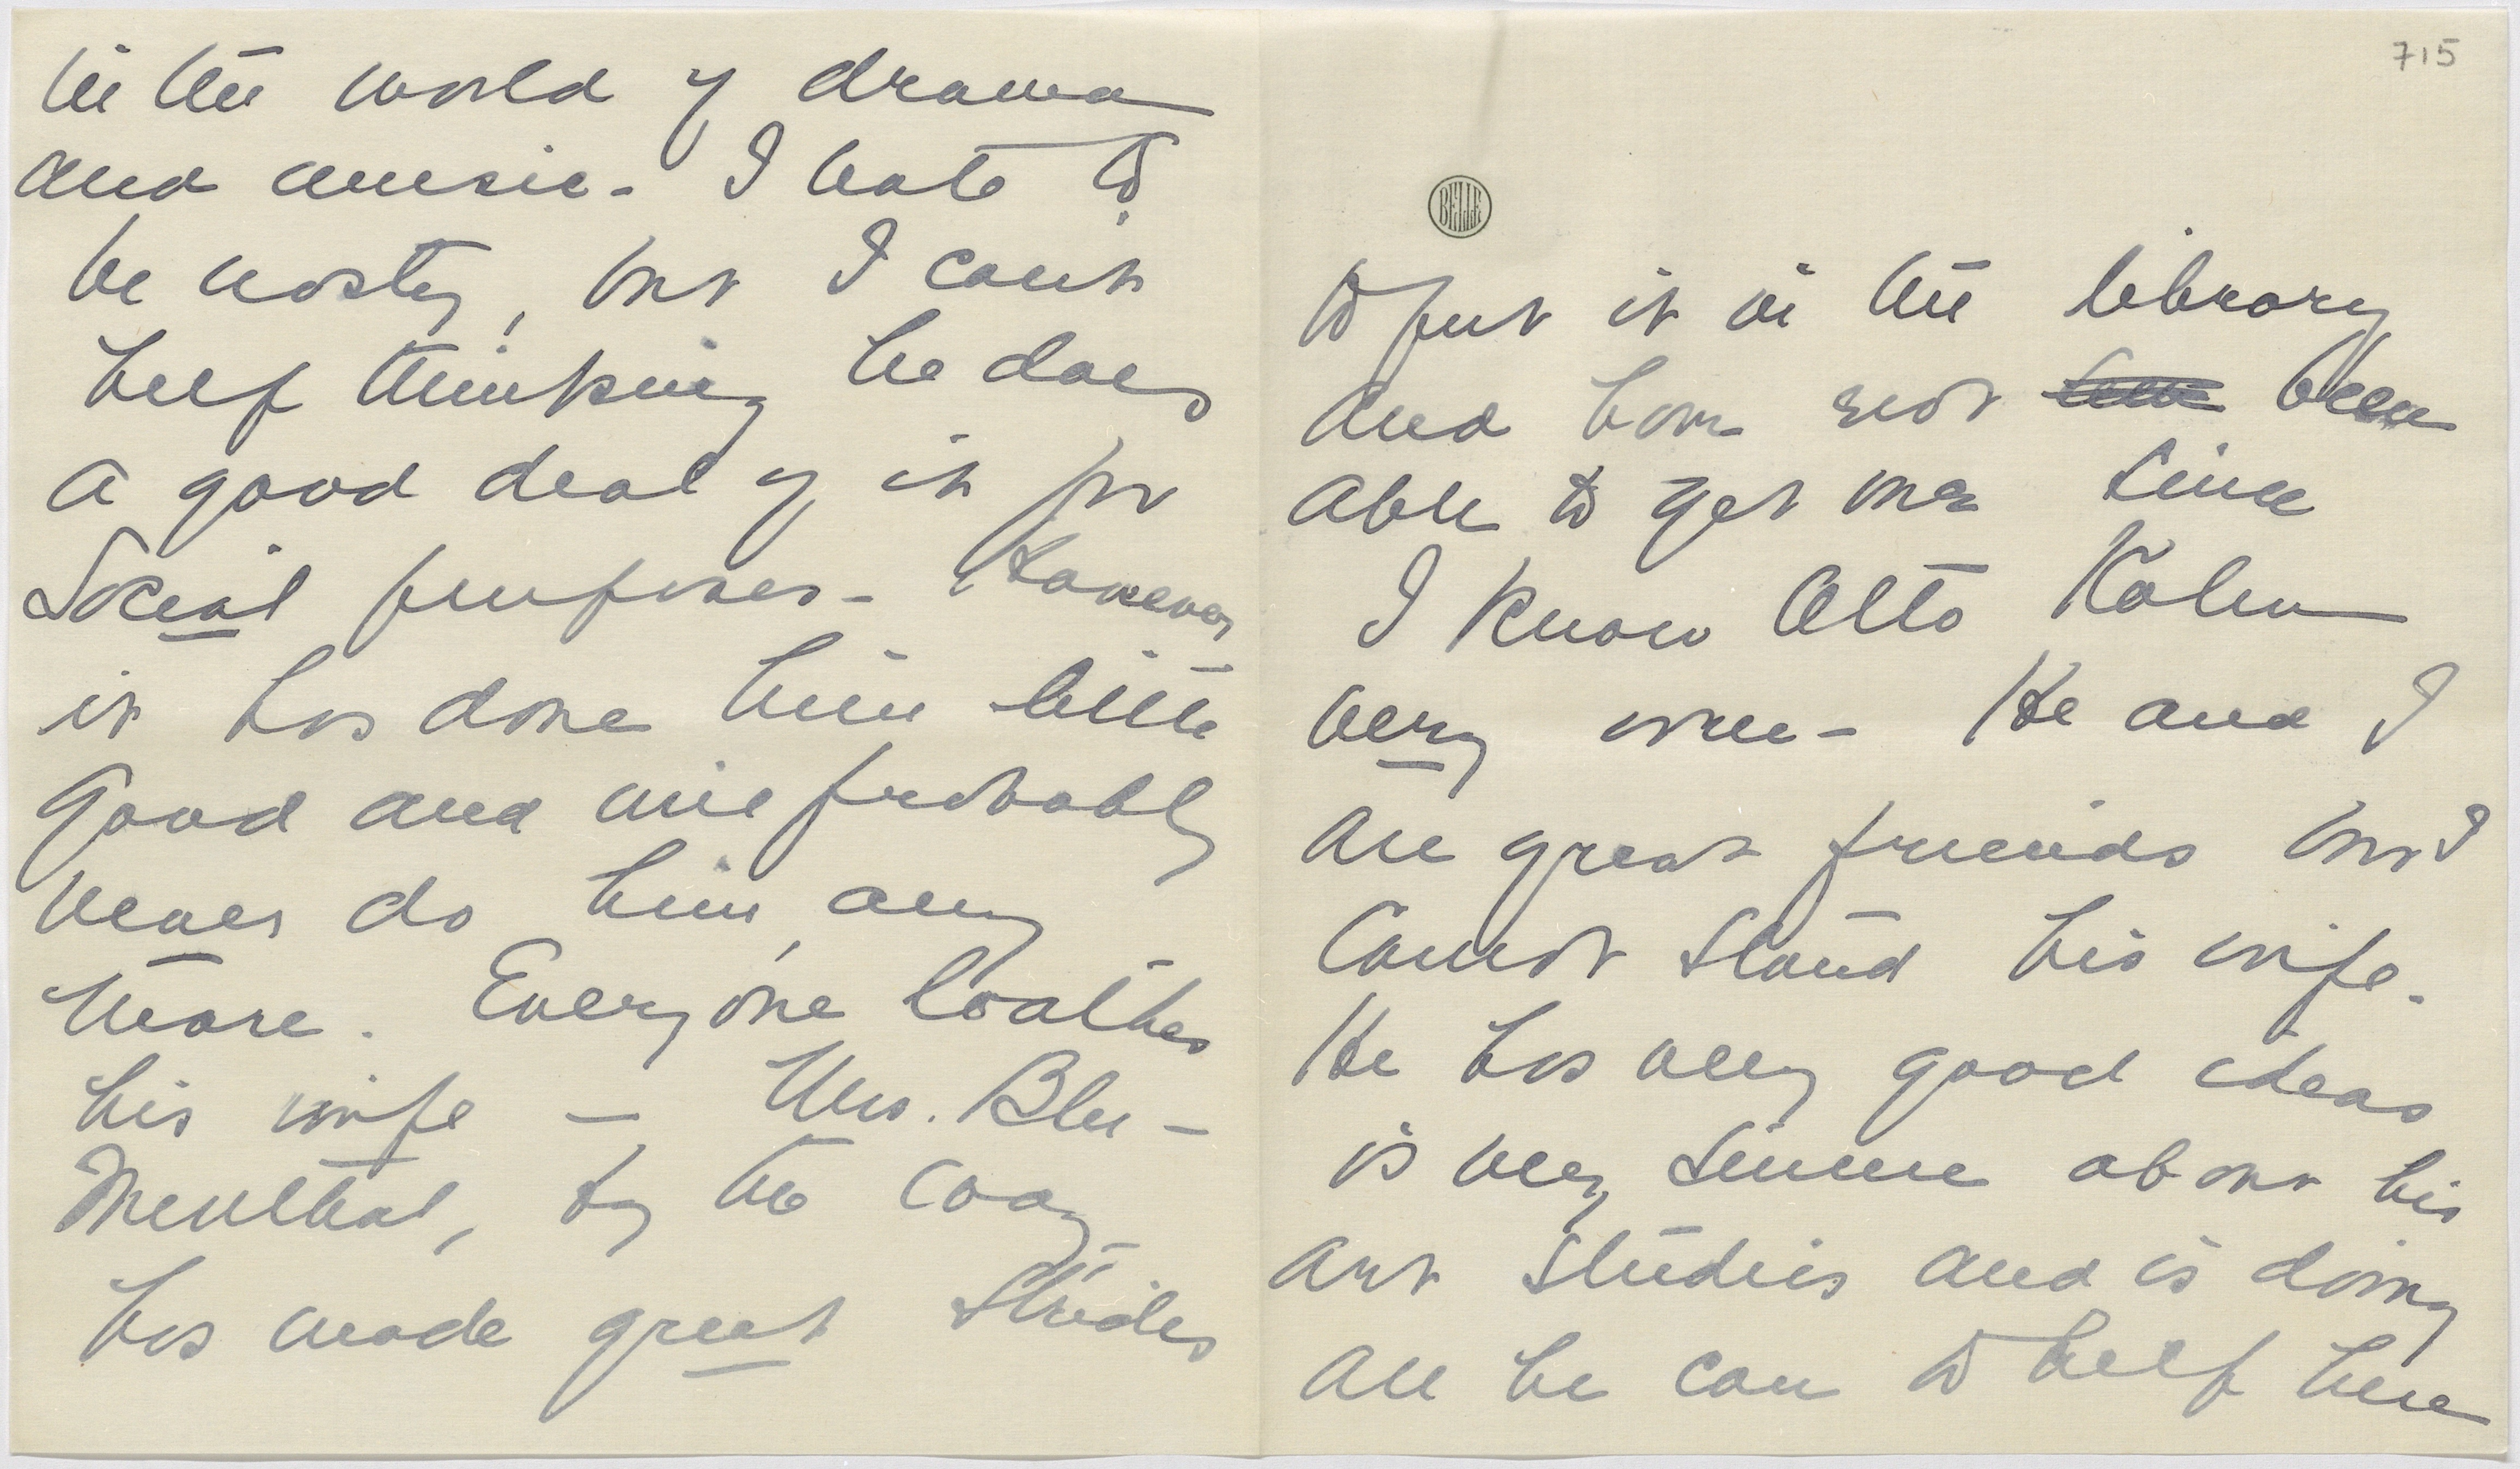to put it in the library and have not seen been able to get one since
I know Otto Kahn very well. He and I are great friends but I cannot stand his wife. He has very good ideas is very sincere about his art studies and is doing all he can to help here
in the world of drama and music. I hate to be nasty, but I can’t help thinking he does a good deal of it for social purposes – However it has done him little good and will probably never do him, any more. Every one loathes his wife – Mrs. Blumenthal, by the way, has made great studies